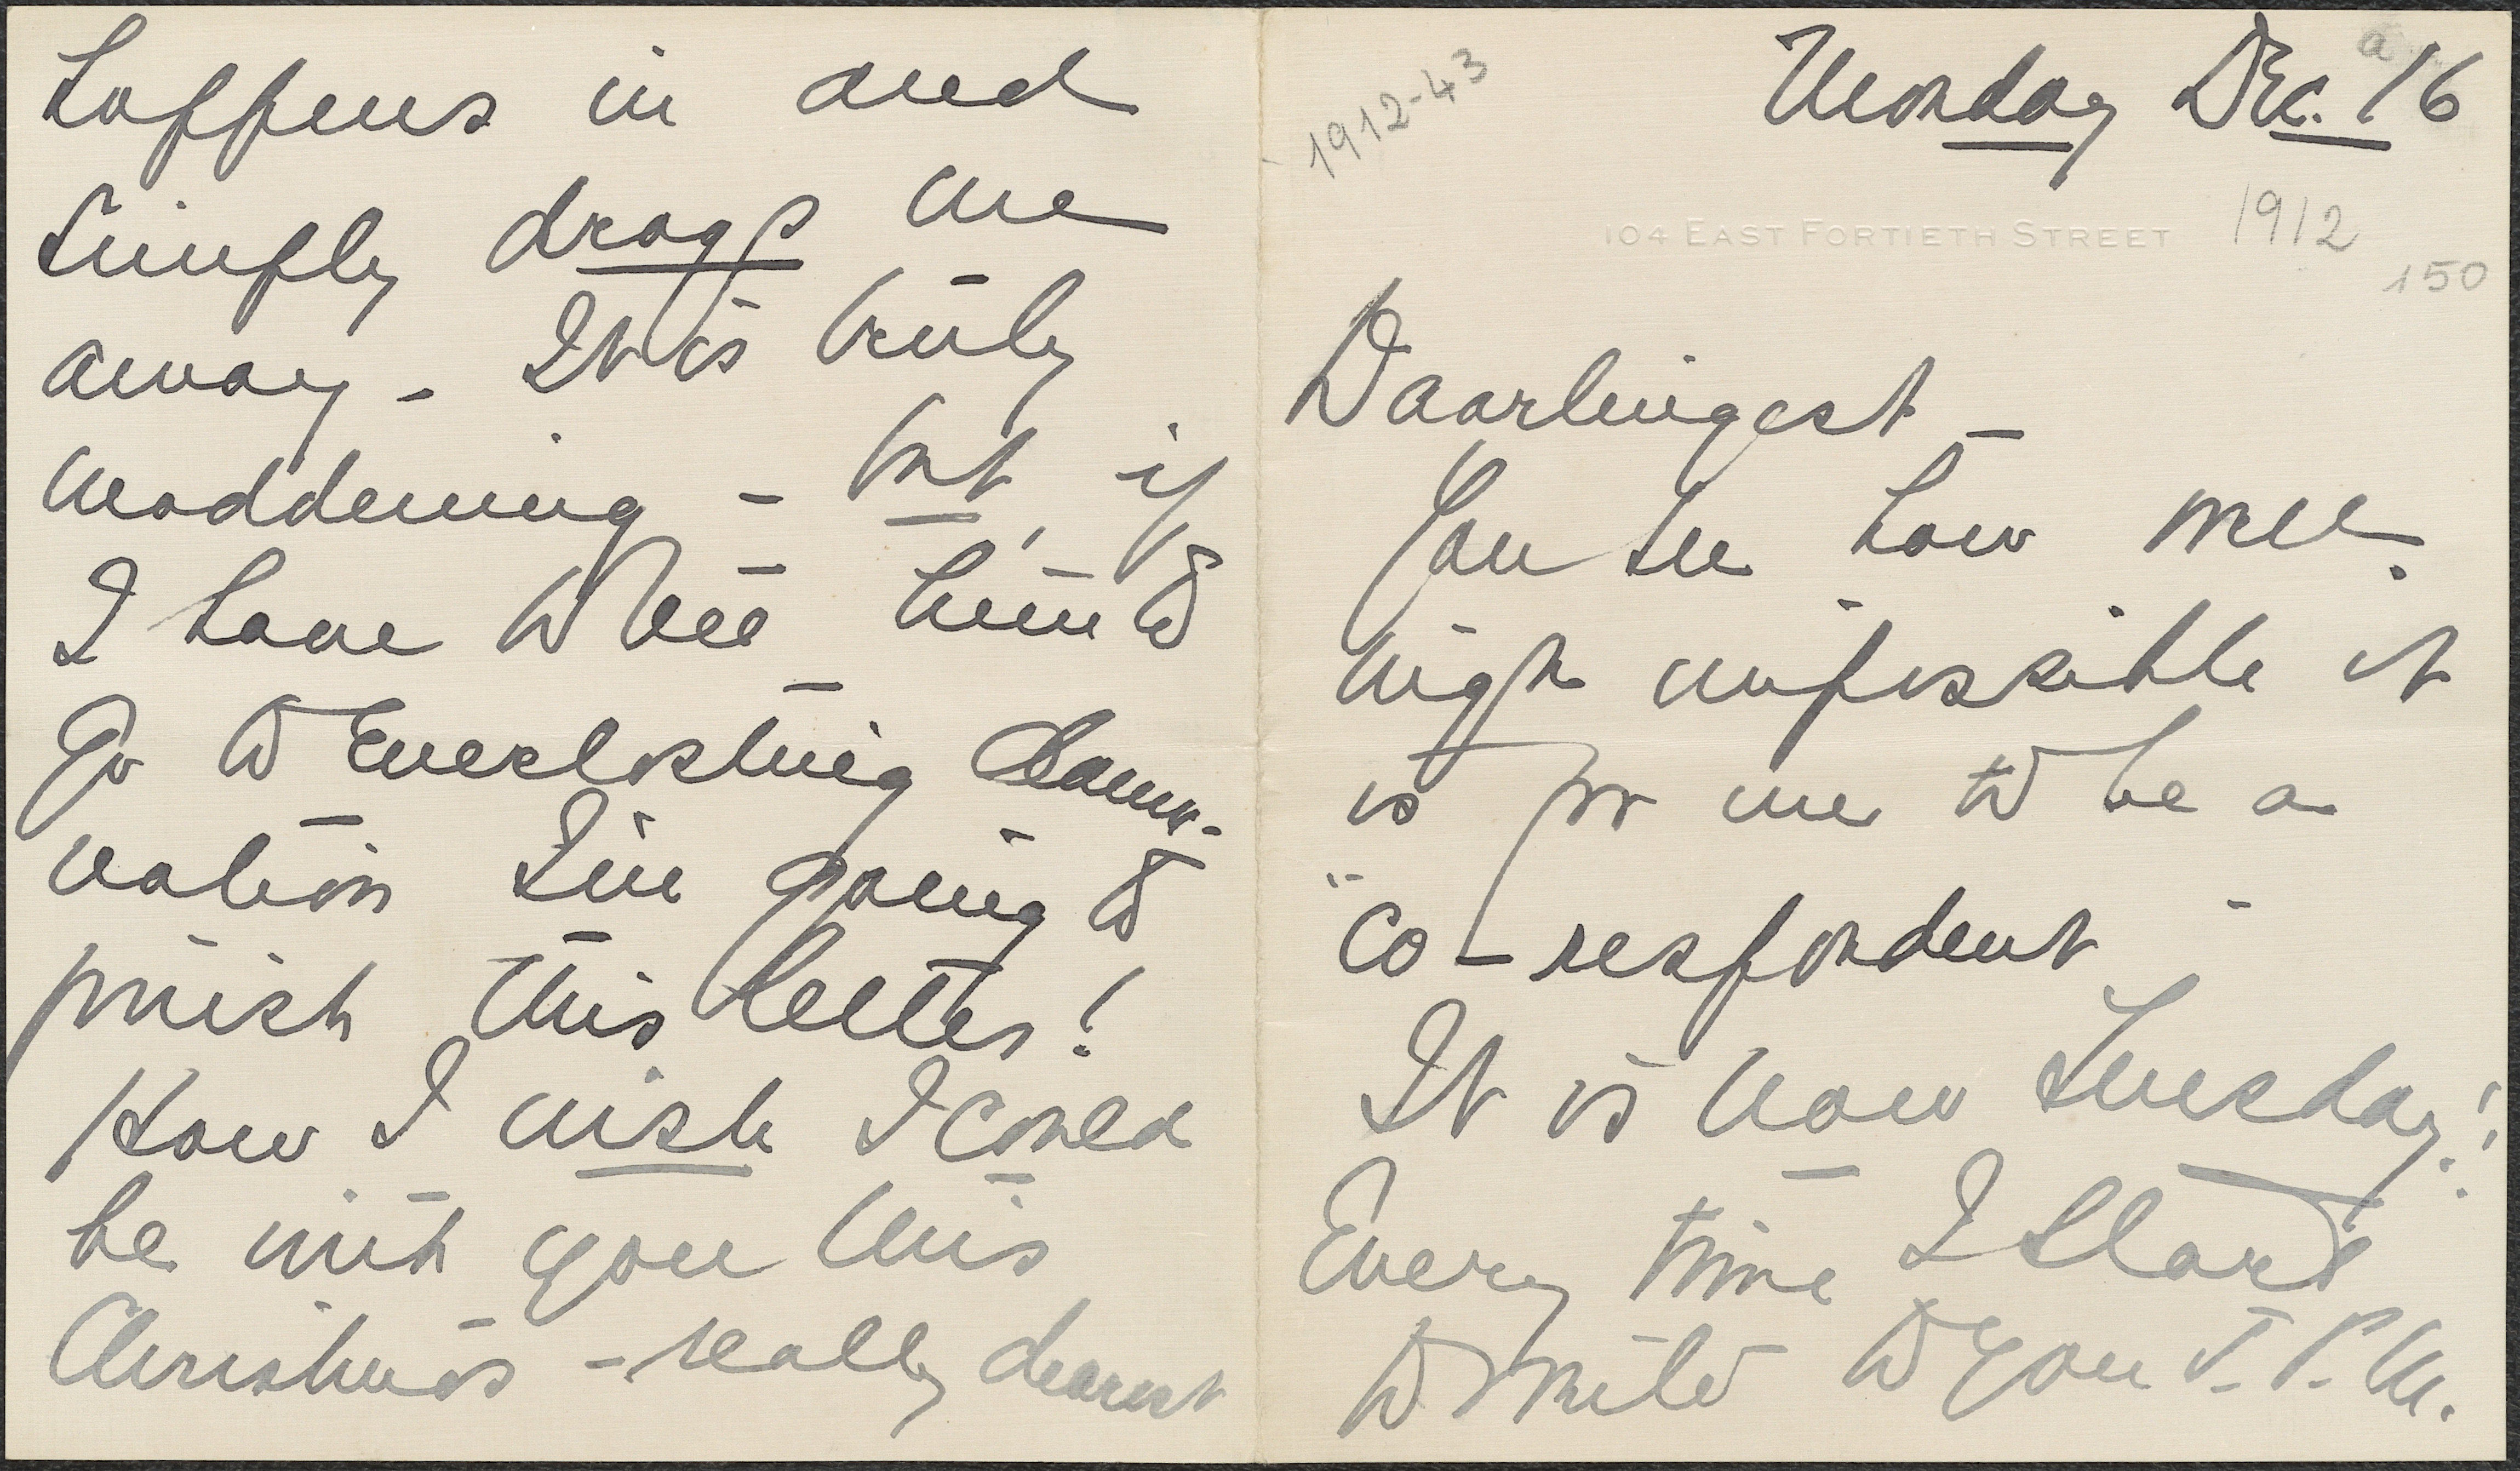Monday, Dec. 16
Daarlingest –
You see how well high impossible it is for me to be a “co-respondent”
It is now Tuesday!! Every time I start to write to you J. P. M.
happens in and simply drags me away – It is truly maddening – but, if I have to tell him to go to everlasting damnation I’m going to finish this letter! How I wish I could be with you this Christmas – really dearest